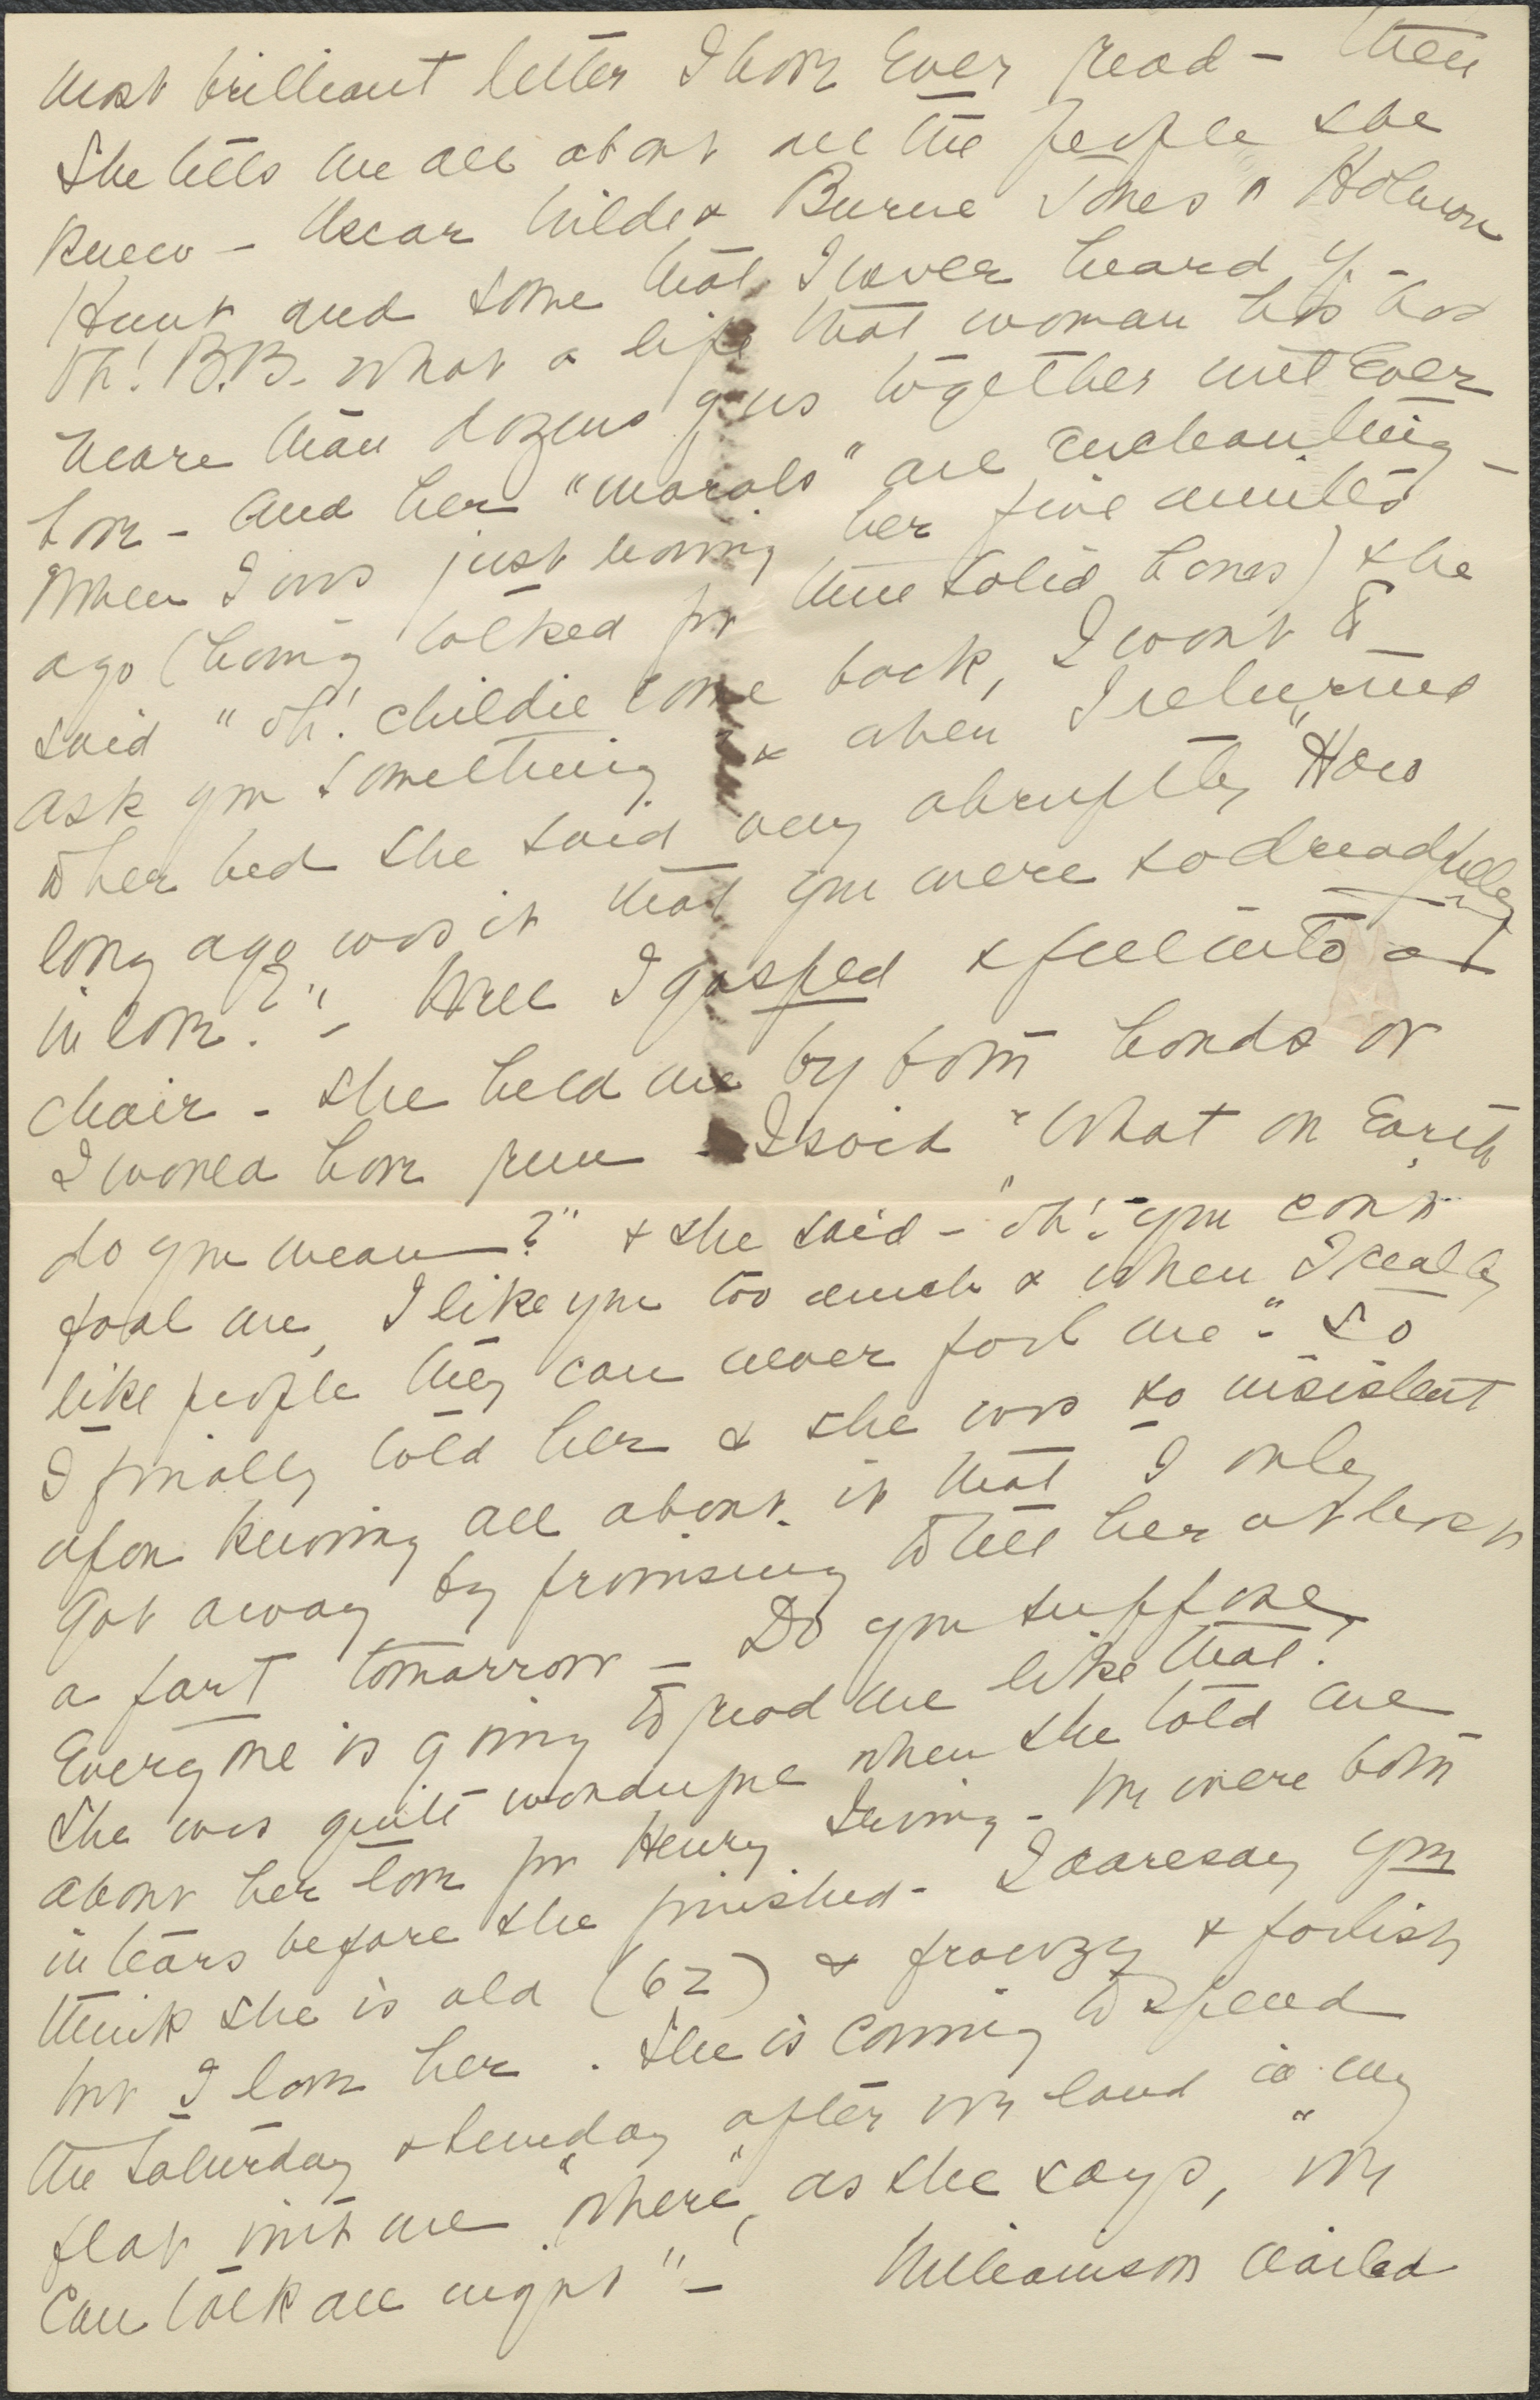most brilliant letter I have ever read – Then she tells me all about all the people she knew – Oscar Wilde & Burne Jones & Holman Hunt and some that I never heard of – Oh! B. B. What a life that woman has had more than dozens of us together will ever have – and her “morals” are enchanting – When I was just having her five minutes ago (having talked for three solid hours) she said “oh! childie come back, I want to ask you something & when I returned to her bed she said very abruptly “How long ago was it that you were so dreadfully in love?” – Well I gasped & fell into a chair – she held me by both hands or I would have run – I said “What on earth do you mean?” & she said – “oh! you can’t fool me, I like you too much & when I really like people they can never fool me –” so I finally told her & she was so insistent upon knowing all about it that I only got away by promising to tell her at least a part tomorrow – Do you suppose every one is going to read me like that? She was quite wonderful when she told me about her love for Henry Irving – We were both in tears before she finished – I daresay you think she is old (62) & franzy & foolish but I love her. She is coming to spend the Saturday & Sunday after we land in my flat with me “where” as she says, “we can talk all night” – Williamson nailed